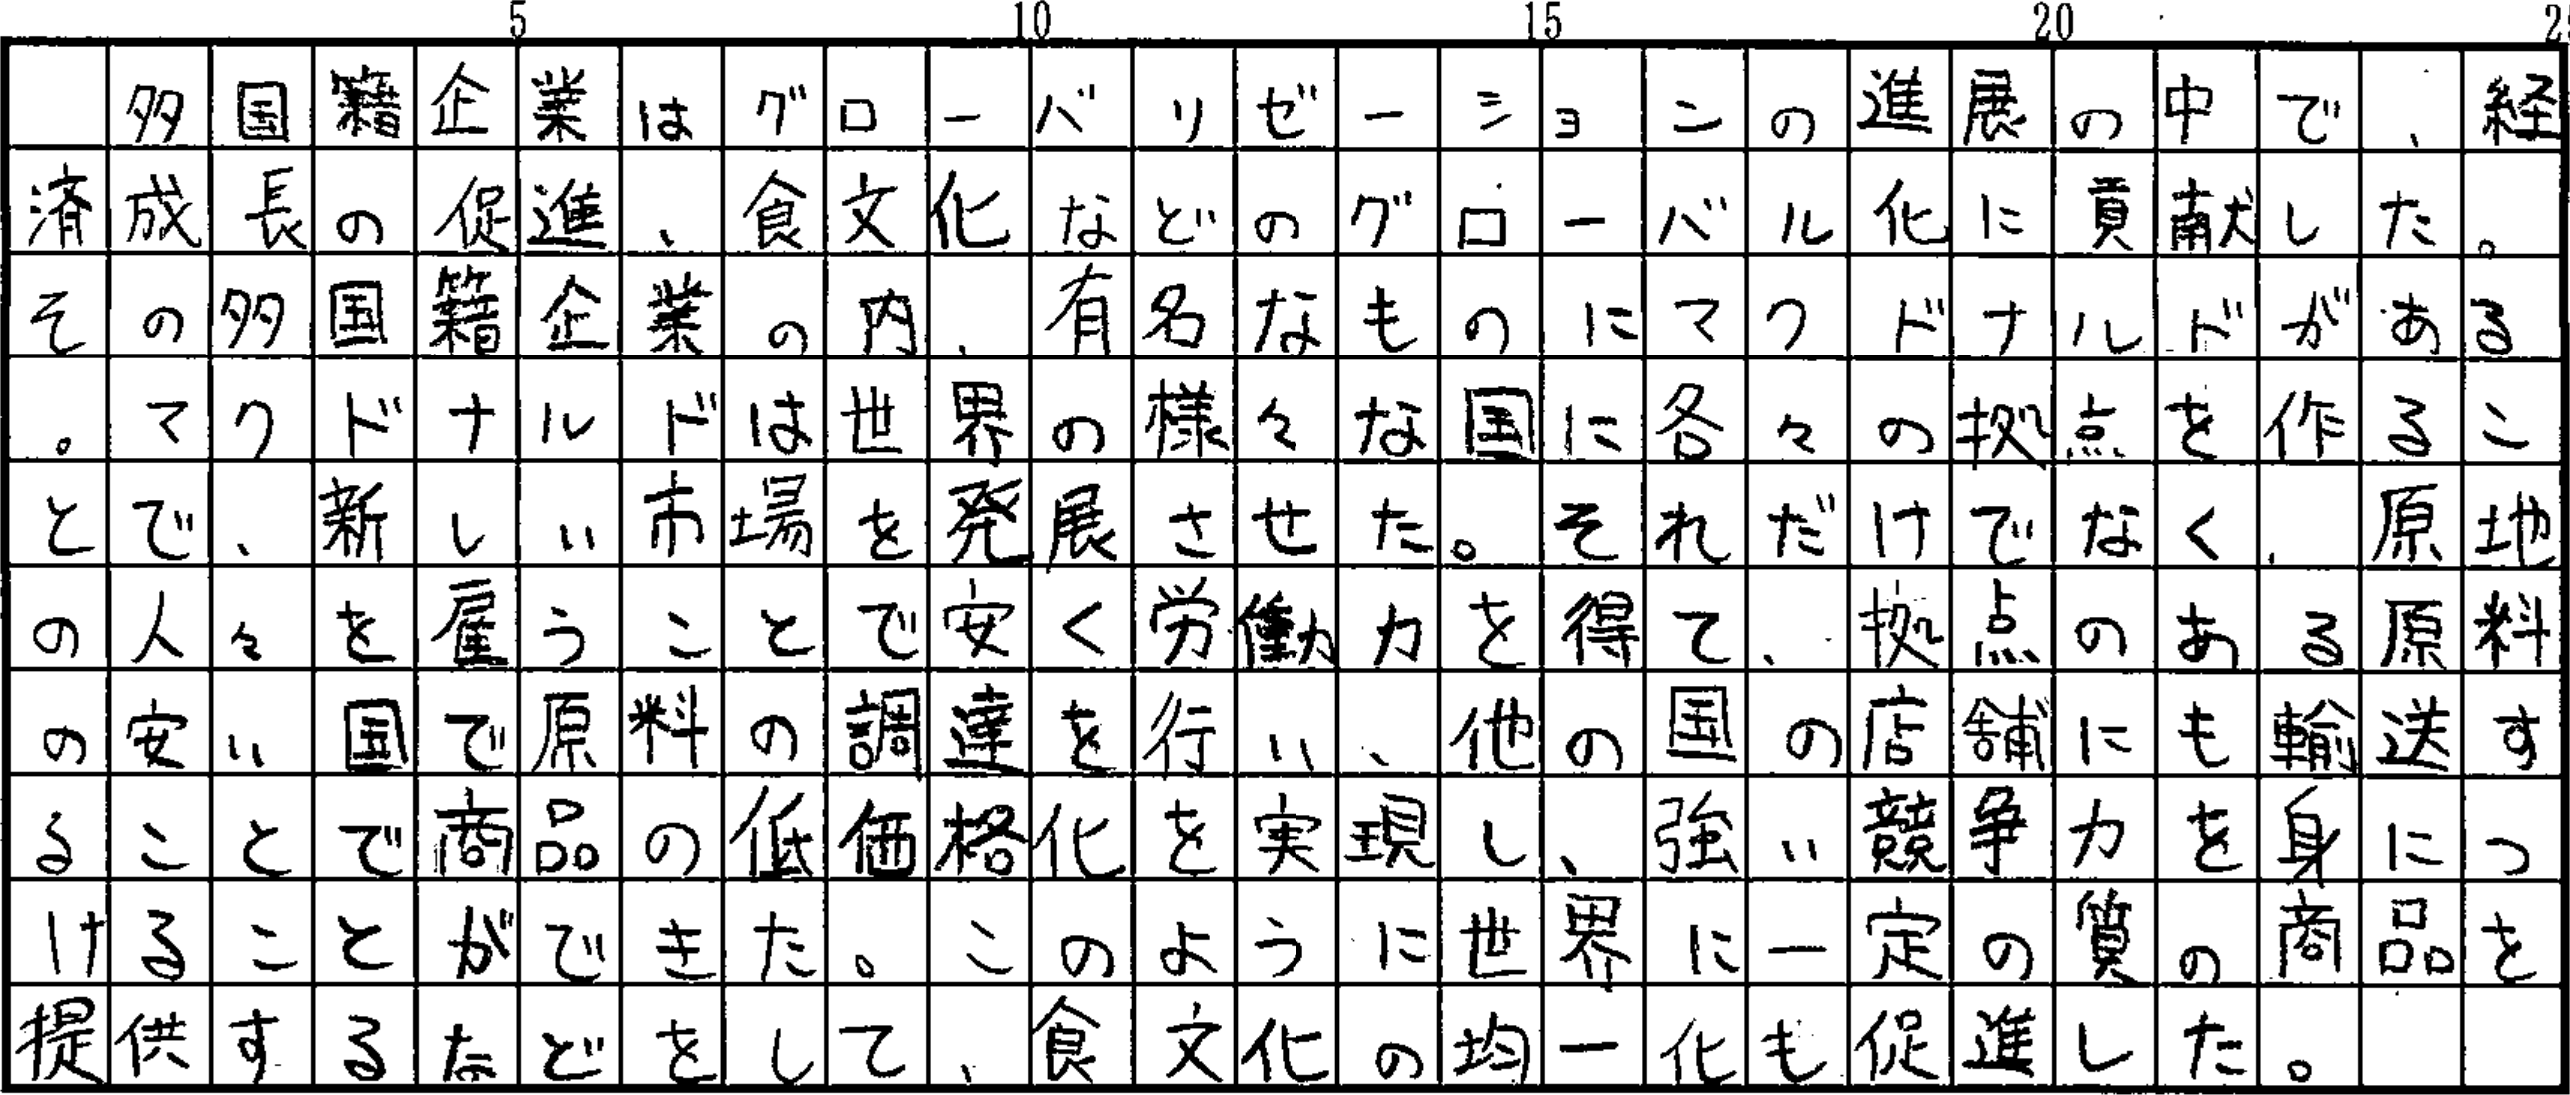　多国籍企業はグローバリゼーションの進展の中で、経済成長の促進、食文化などのグローバル化に貢献した。その多国籍企業の内、有名なものにマクドナルドがある。マクドナルドは世界の様々な国に各々の拠点を作ることで、新しい市場を発展させた。それだけでなく、原地の人々を雇うことで安く労働力を得て、拠点のある原料の安い国で原料の調達を行い、他の国の店舗にも輸送することで商品の低価格化を実現し、強い競争力を身につけることができた。このように世界に一定の質の商品を提供するなどをして、食文化の均一化も促進した。
